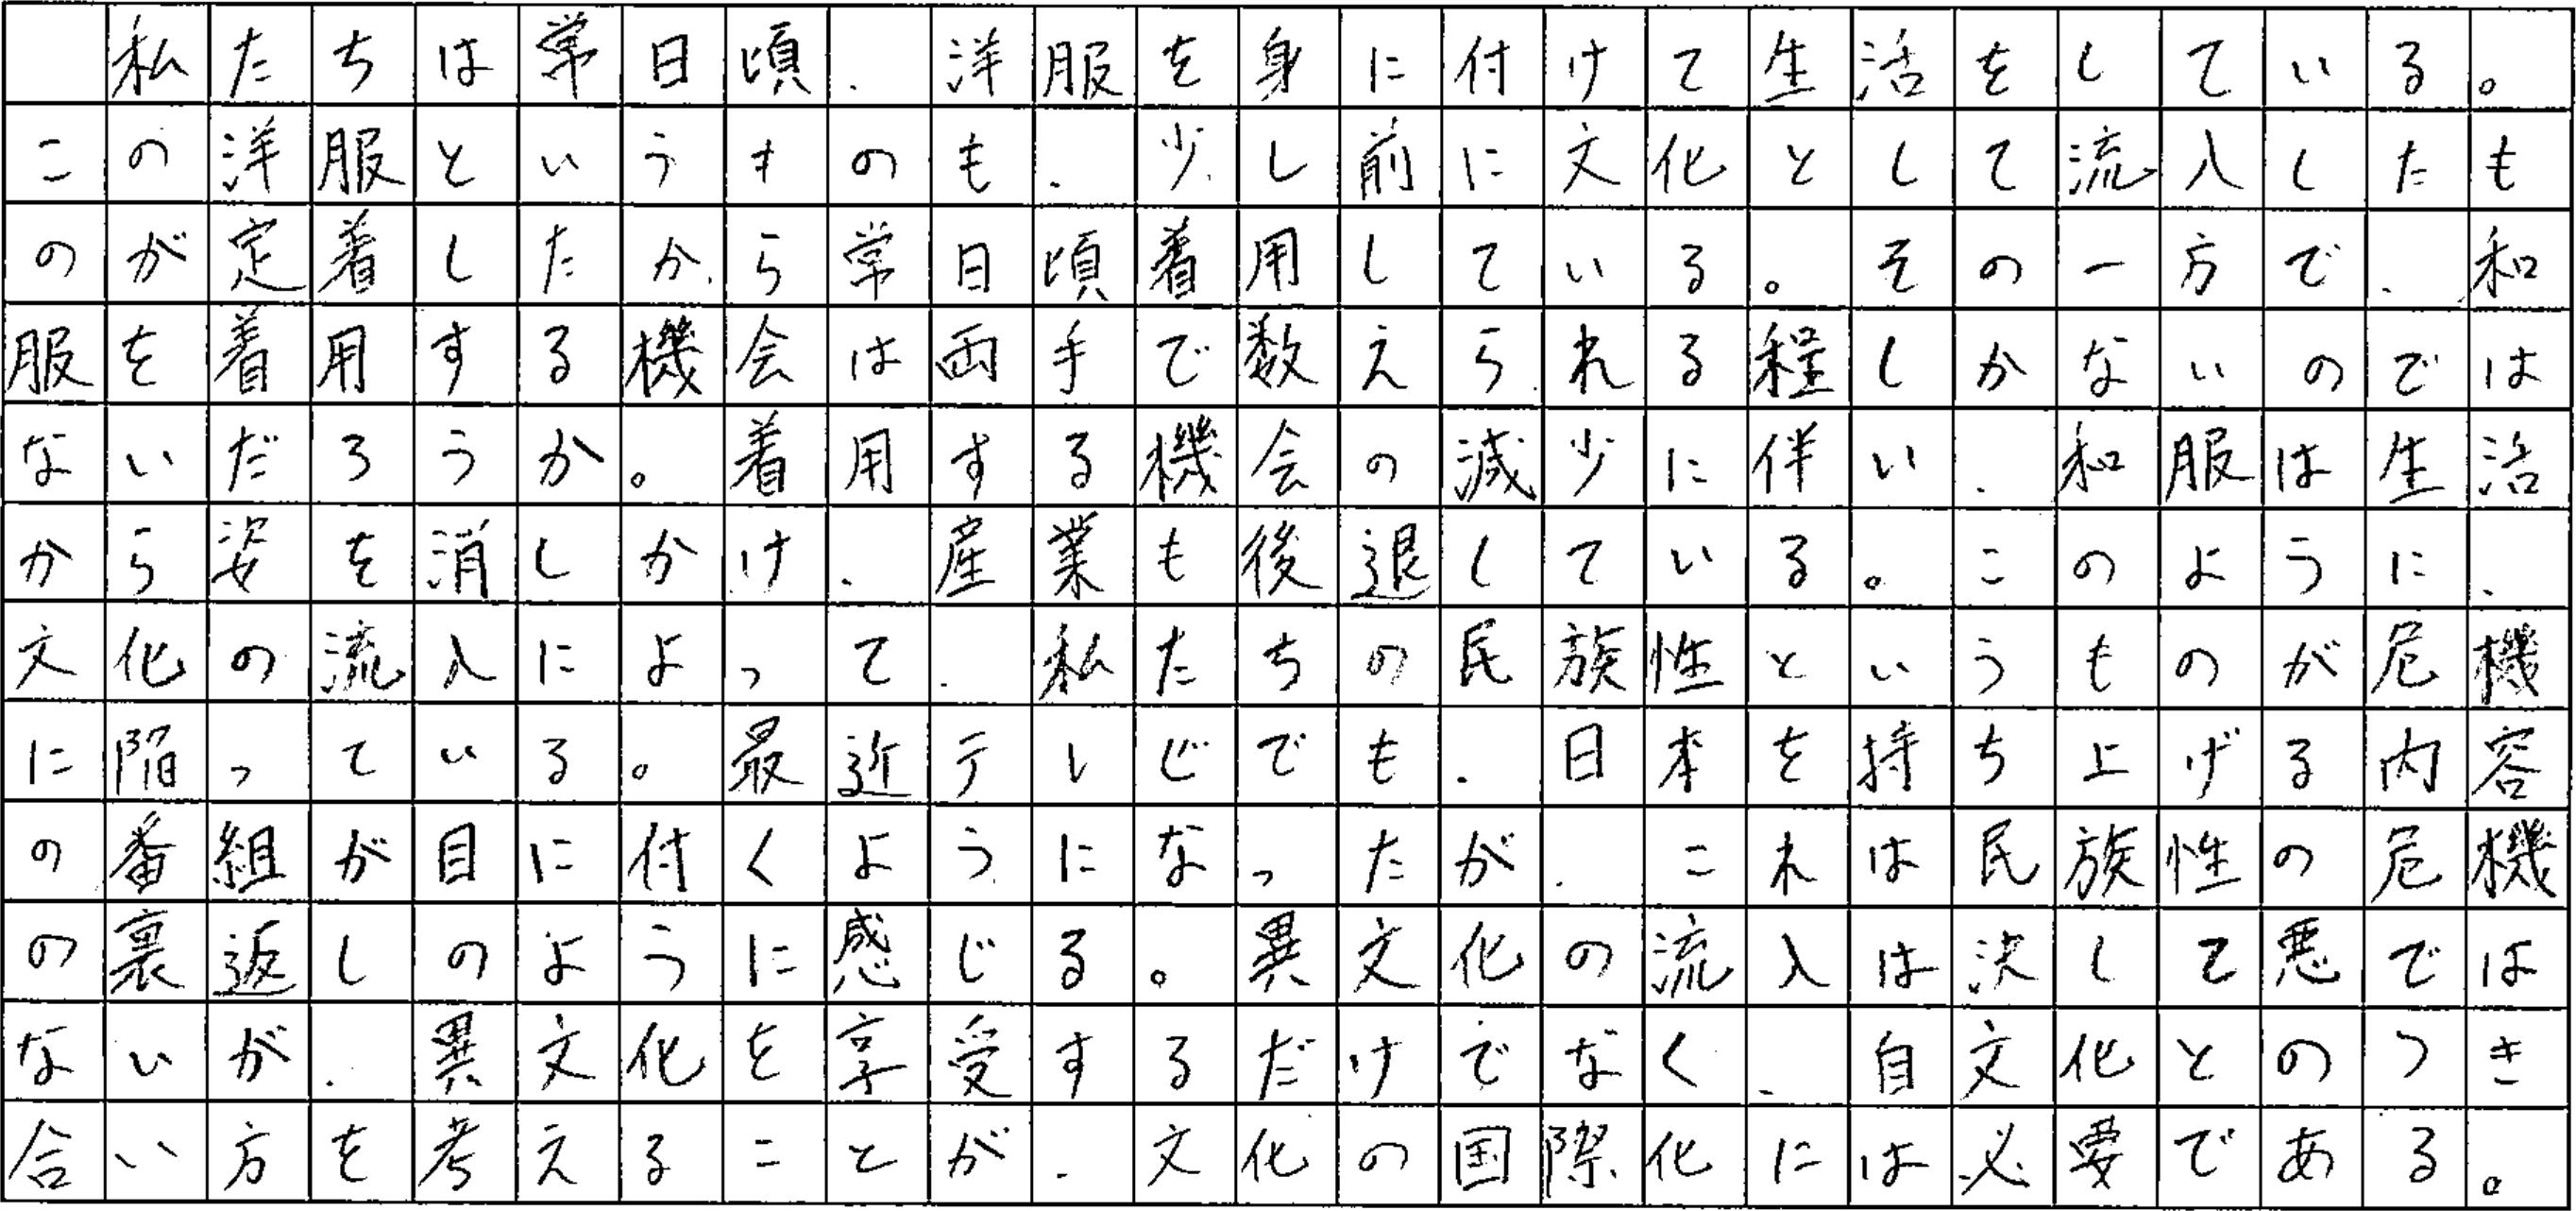　私たちは常日頃、洋服を身に付けて生活をしている。この洋服というものも、少し前に文化として流入したものが定着したから常日頃着用している。その一方で、和服を着用する機会は両手で数えられる程しかないのではないだろうか。着用する機会の減少に伴い、和服は生活から姿を消しかけ、産業も後退している。このように、文化の流入によって、私たちの民族性というものが危機に陥っている。最近テレビでも、日本を持ち上げる内容の番組が目に付くようになったが、これは民族性の危機の裏返しのように感じる。異文化の流入は決して悪ではないが、異文化を享受するだけでなく、自文化とのつき合い方を考えることが、文化の国際化には必要である
